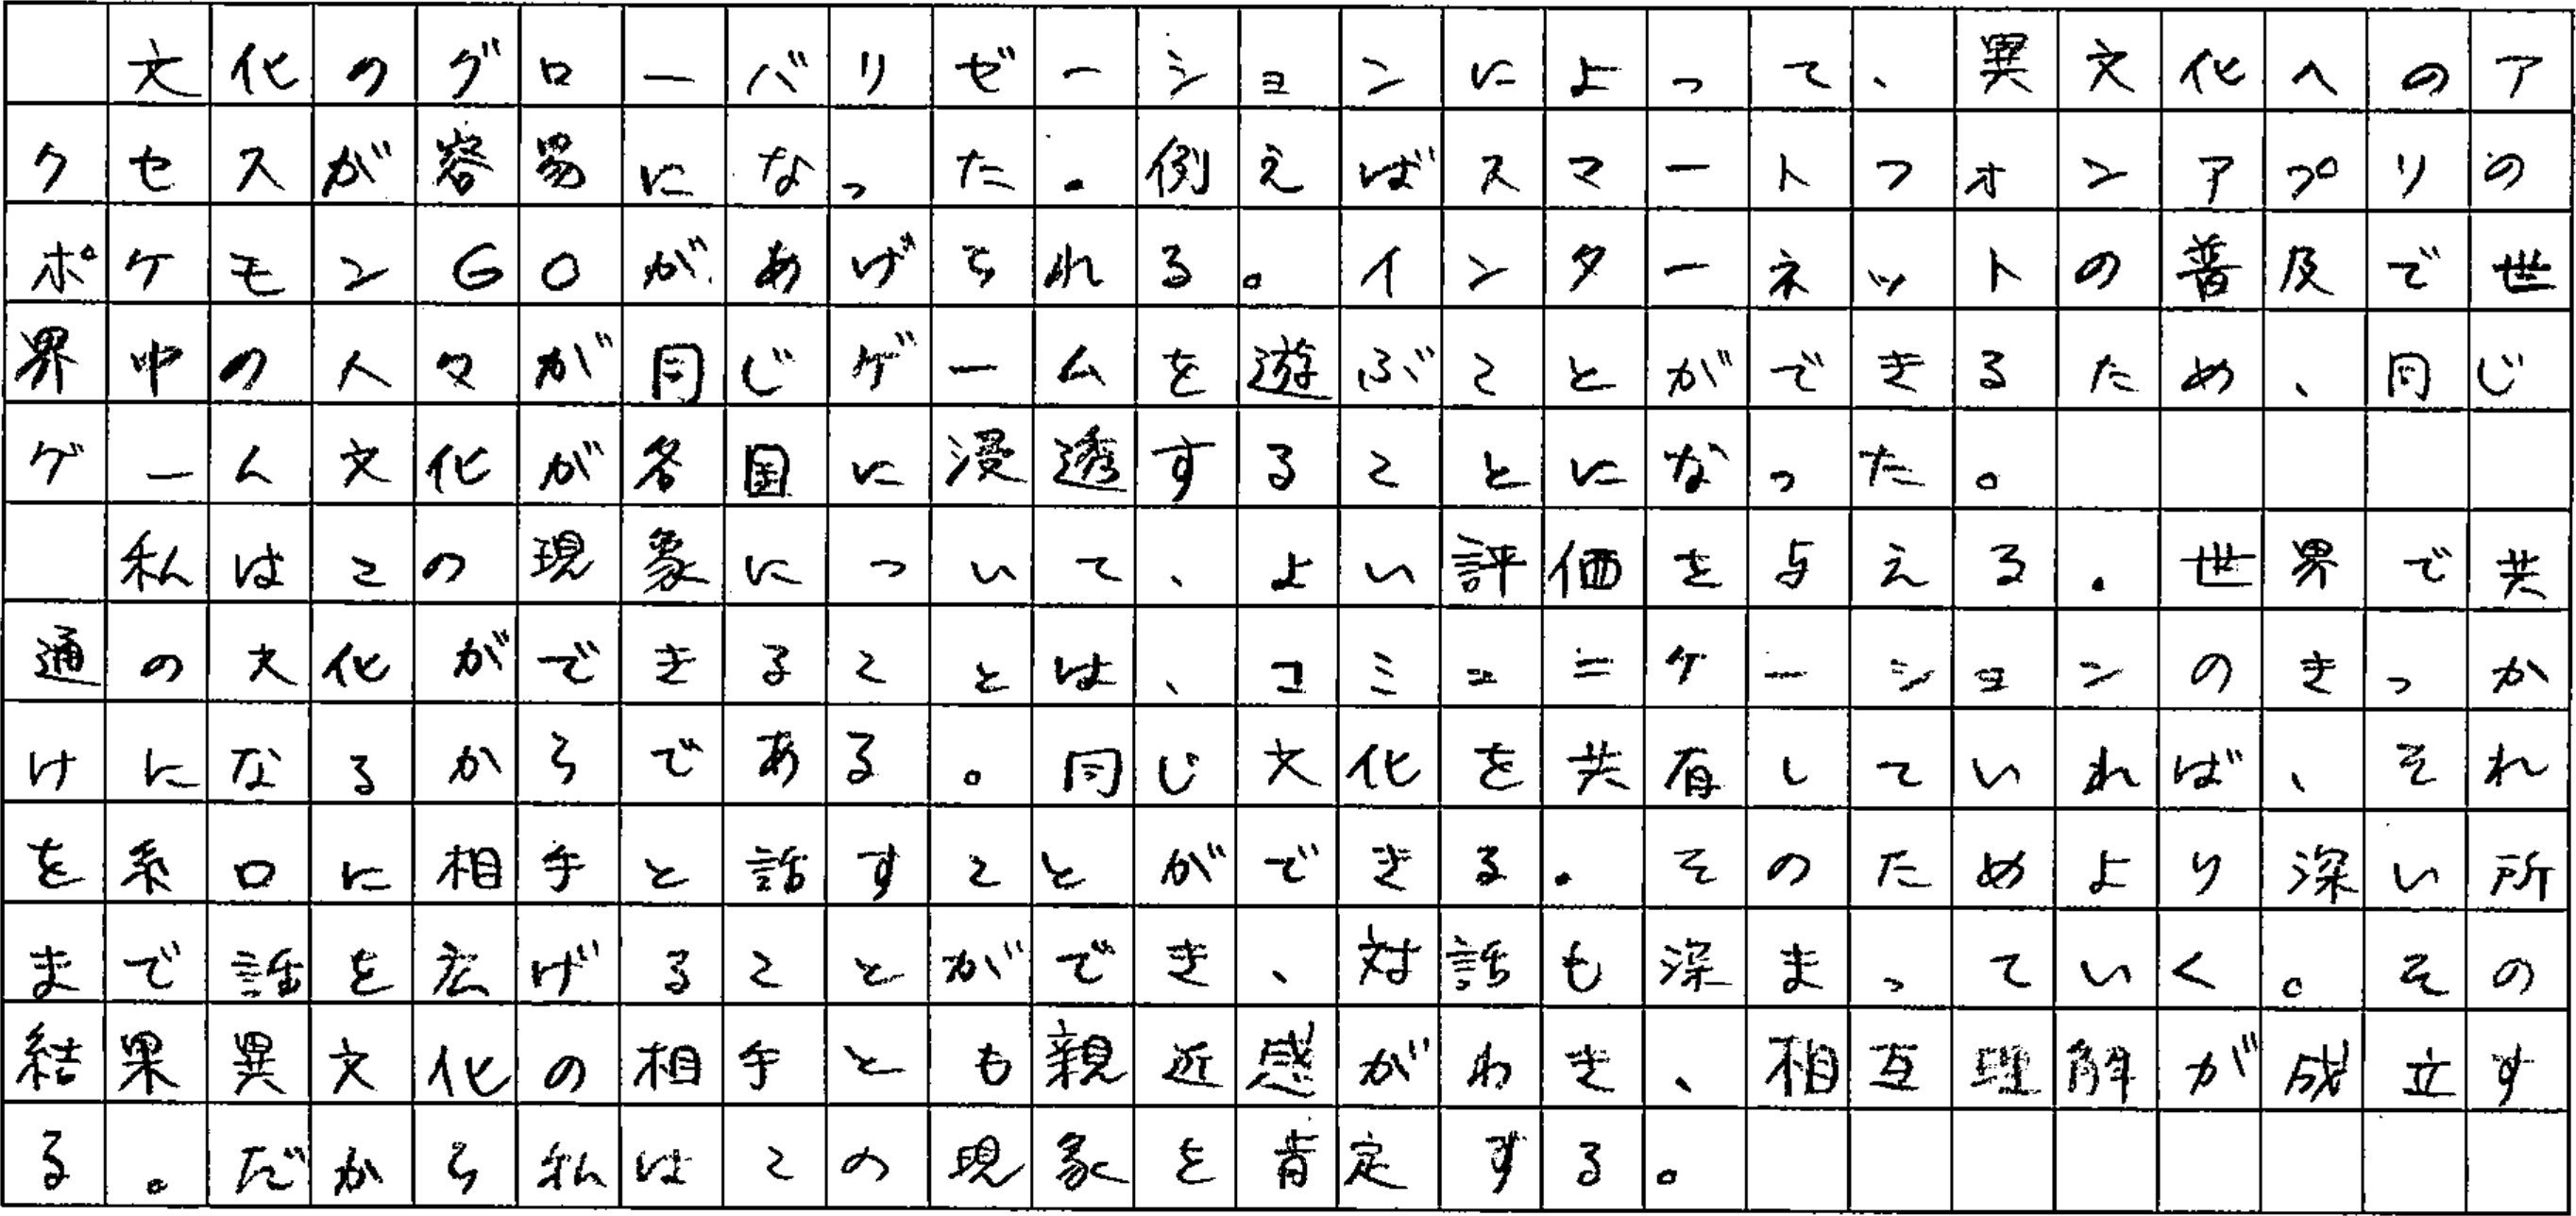　文化のグローバリゼーションによって、異文化へのアクセスが容易になった。例えばスマートフォンアプリのポケモンＧＯがあげられる。インターネットの普及で世界中の人々が同じゲームを遊ぶことができるため、同じゲーム文化が各国に浸透することになった。
　私はこの現象について、よい評価を与える。世界で共通の文化ができることは、コミュニケーションのきっかけになるからである。同じ文化を共有していれば、それを糸口に相手と話すことができる。そのためより深いところまで話を広げることができ、対話も深まっていく。その結果異文化の相手とも親近感がわき、相互理解が成立する。だから私はこの現象を肯定する。
